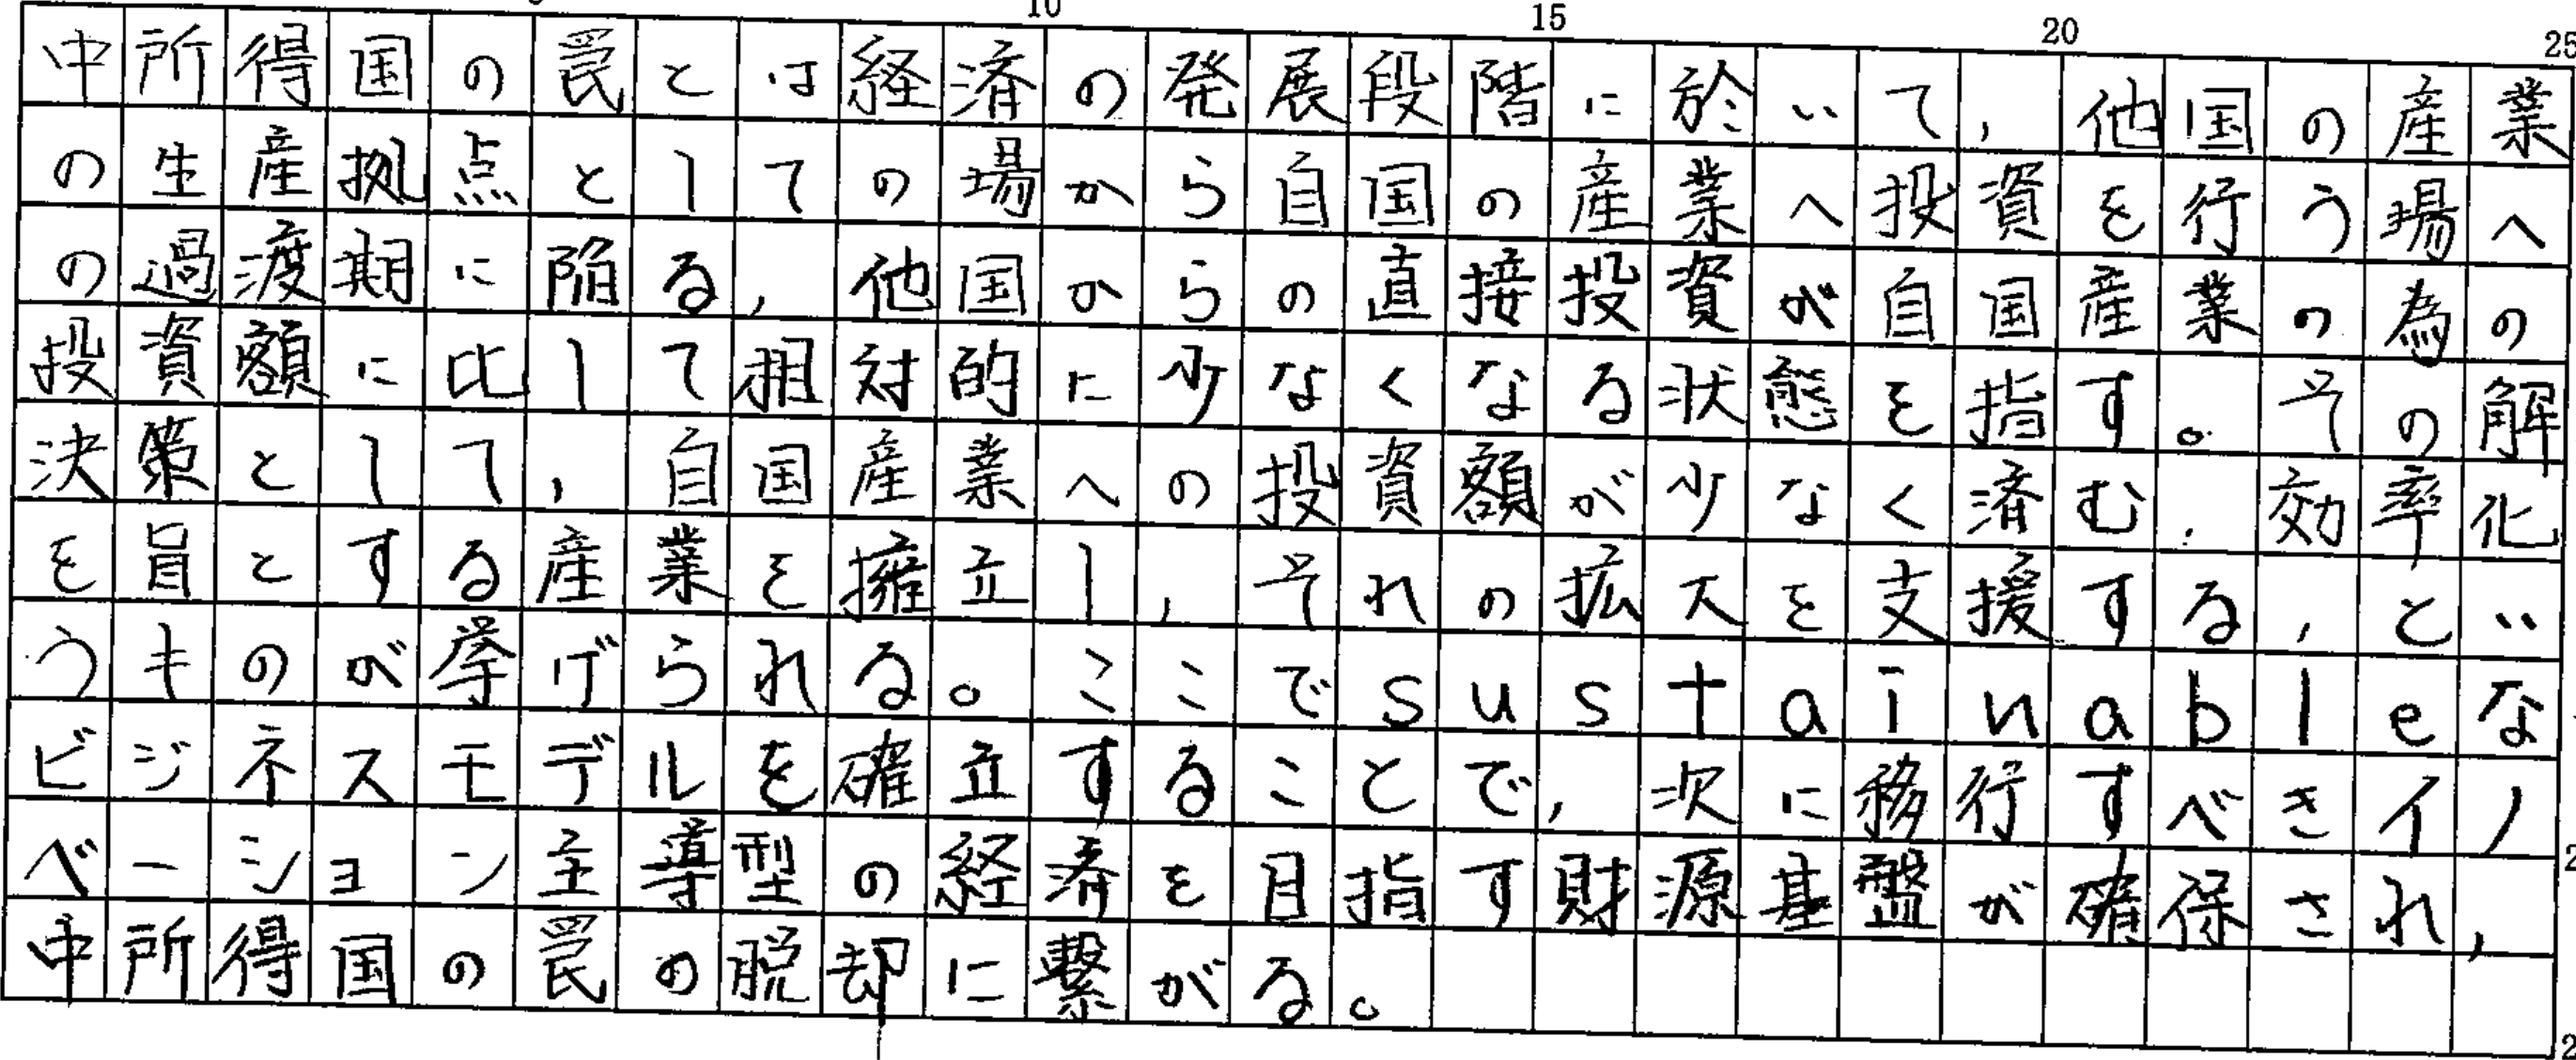中所得国の罠とは経済の発展段階に於いて，他国の産業の生産拠点としての場から自国の産業へ投資を行う場への過渡期に陥る，他国からの直接投資が自国産業の為の投資額に比して相対的に少なくなる状態を指す。その解決策として，自国産業への投資額が少なく済む，効率化を旨とする産業を擁立し，それの拡大を支援する，というものが挙げられる。ここでｓｕｓｔａｉｎａｂｌｅなビジネスモデルを確立することで，次に移行すべきイノベーション主導型の経済を目指す財源基盤が確保され，中所得国の罠の脱却に繋がる。
